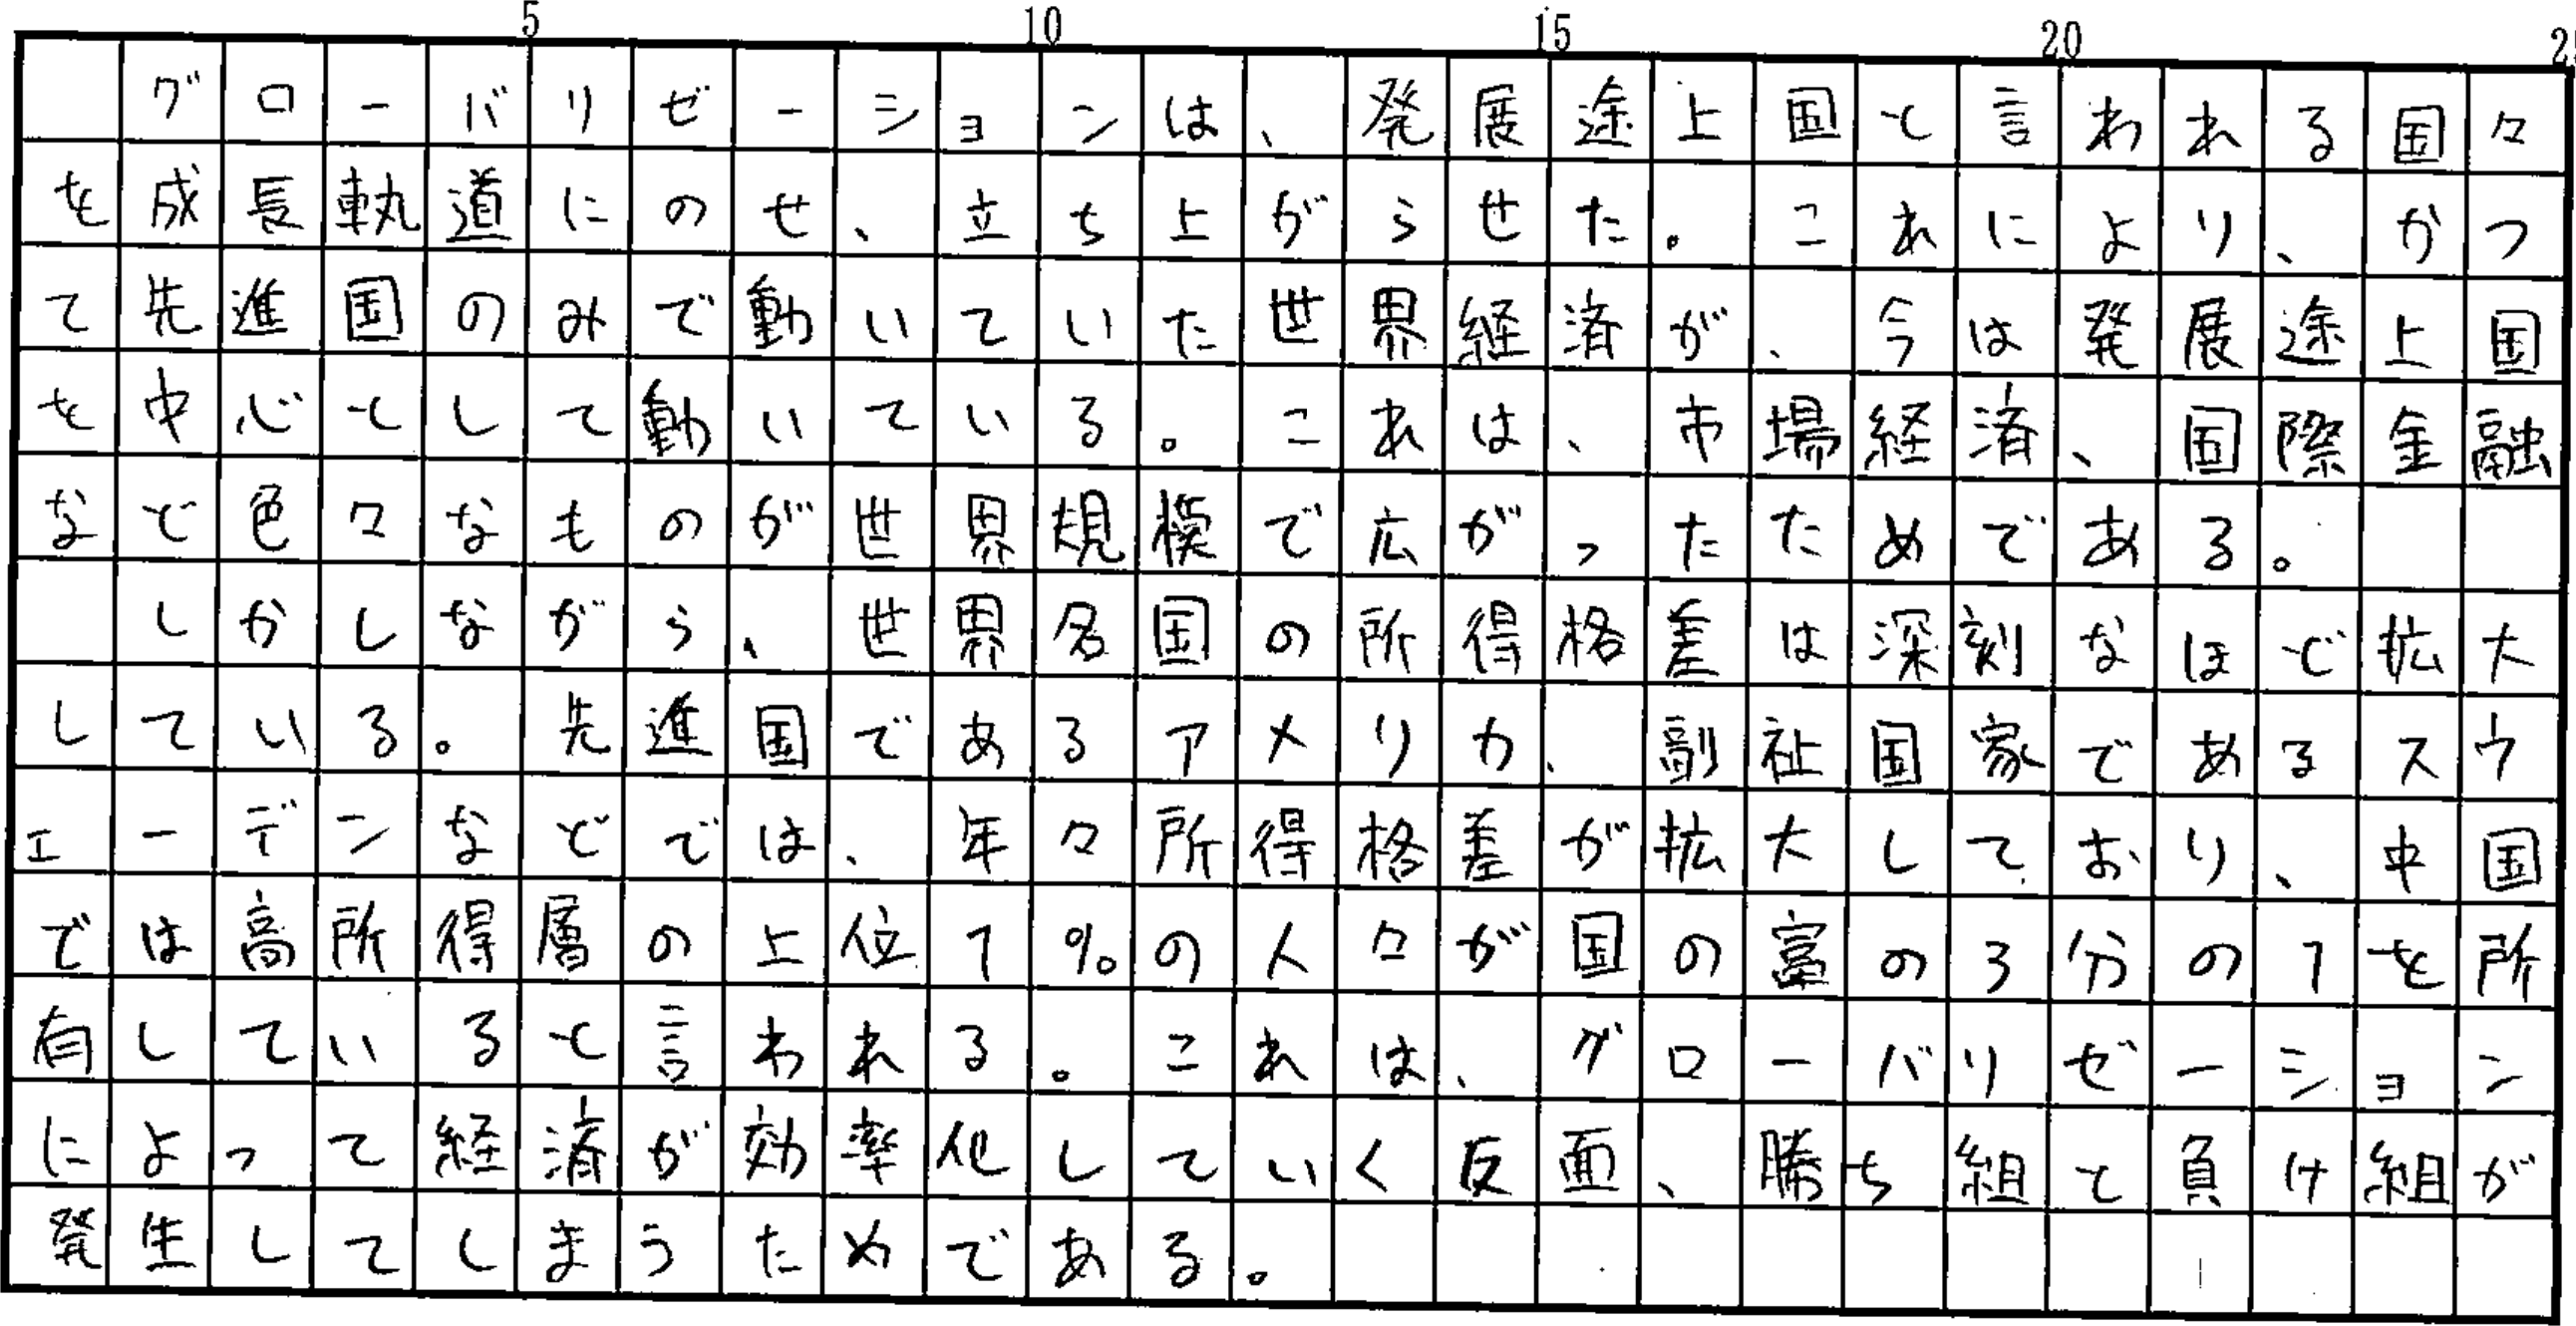　グローバリゼーションは、発展途上国と言われる国々を成長▁道にのせ、立ち上がらせた。これにより、かつて先進国のみで動いていた世界経済が、今は発展途上国を中心として動いている。これは、市場経済、国際金融など色々なものが世界規模で広がったためである。　
　しかしながら、世界各国の所得格差は深刻なほど拡大している。先進国であるアメリカ、副祉国家であるスウェーデンなどでは、年々所得格差が拡大しており、中国では高所得層の上位１％の人々が国の富の３分の１を所有していると言われる。これは、グローバリゼーションによって経済が効率化していく反面、勝ち組と負け組が発生してしまうためである。
